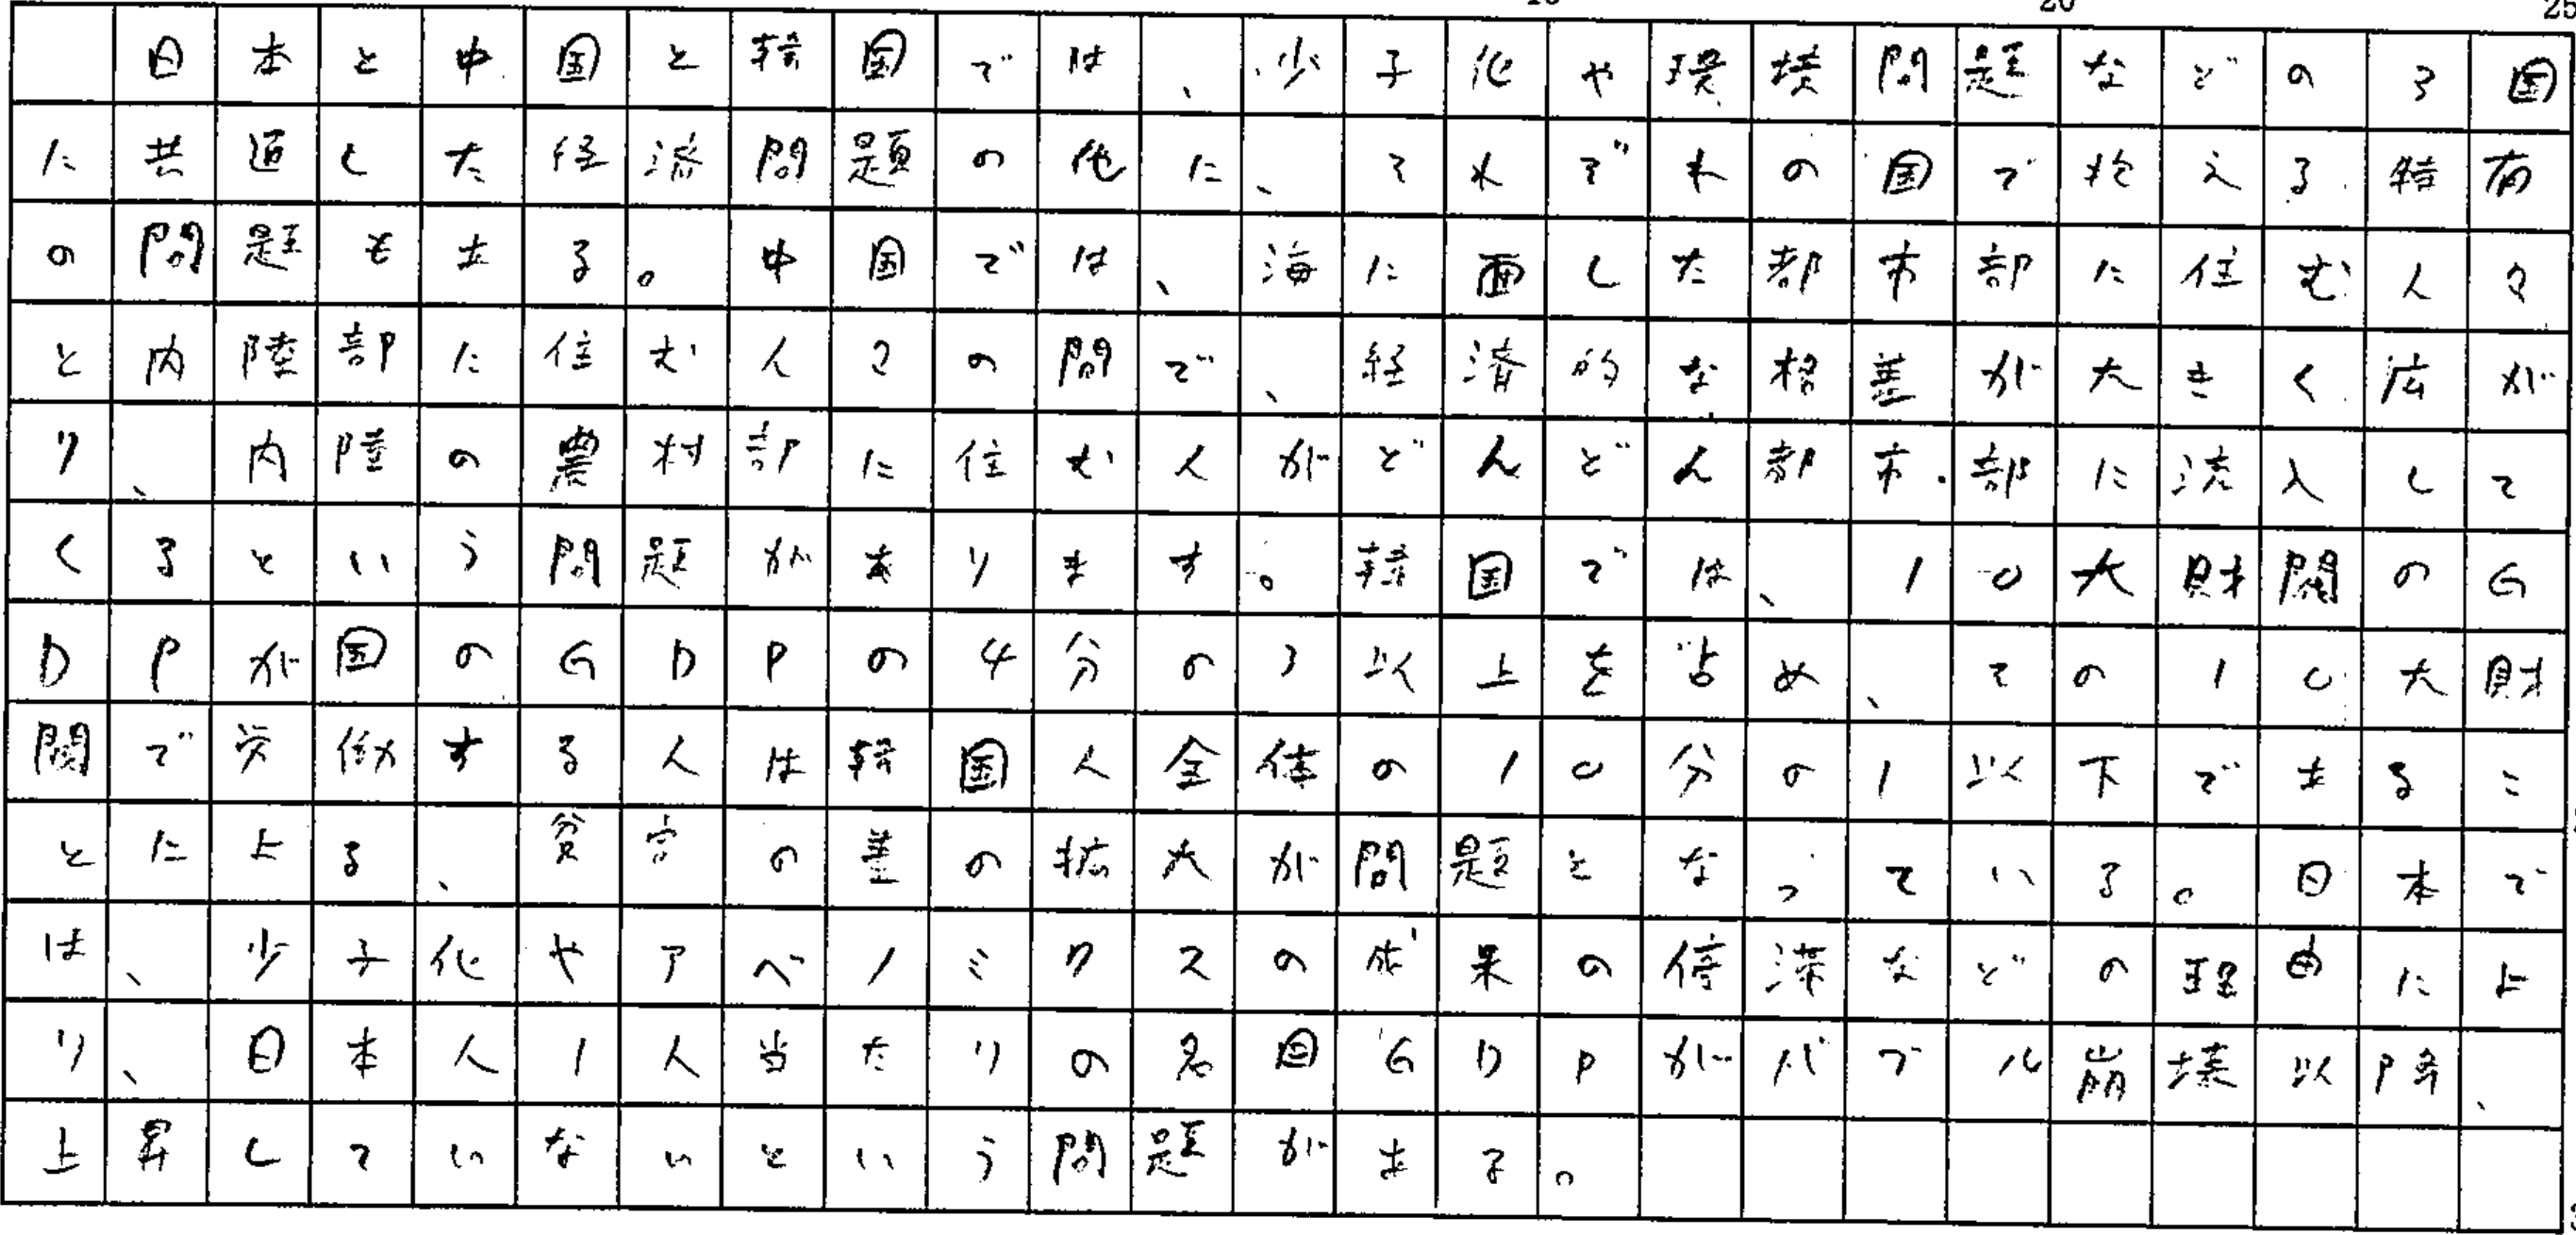　日本と中国と韓国では、少子化や環境問題などの３国に共通した経済問題の他に、それぞれの国で抱える特有の問題もある。中国では、海に面した都市部に住む人々と内陸部に住む人々の間で、経済的な格差が大きく広がり、内陸の農村部に住む人がどんどん都市部に流入してくるという問題があります。韓国では、１０大財閥のＧＤＰが国のＧＤＰの４分の３以上を占め、その１０大財閥で労働する人は韓国人全体の１０分の１以下であることによる、貧富の差の拡大が問題となっている。日本では、少子化やアベノミクスの成果の停滞などの理由により、日本人１人当たりの名目ＧＤＰがバブル崩壊以降、上昇していないという問題がある。
